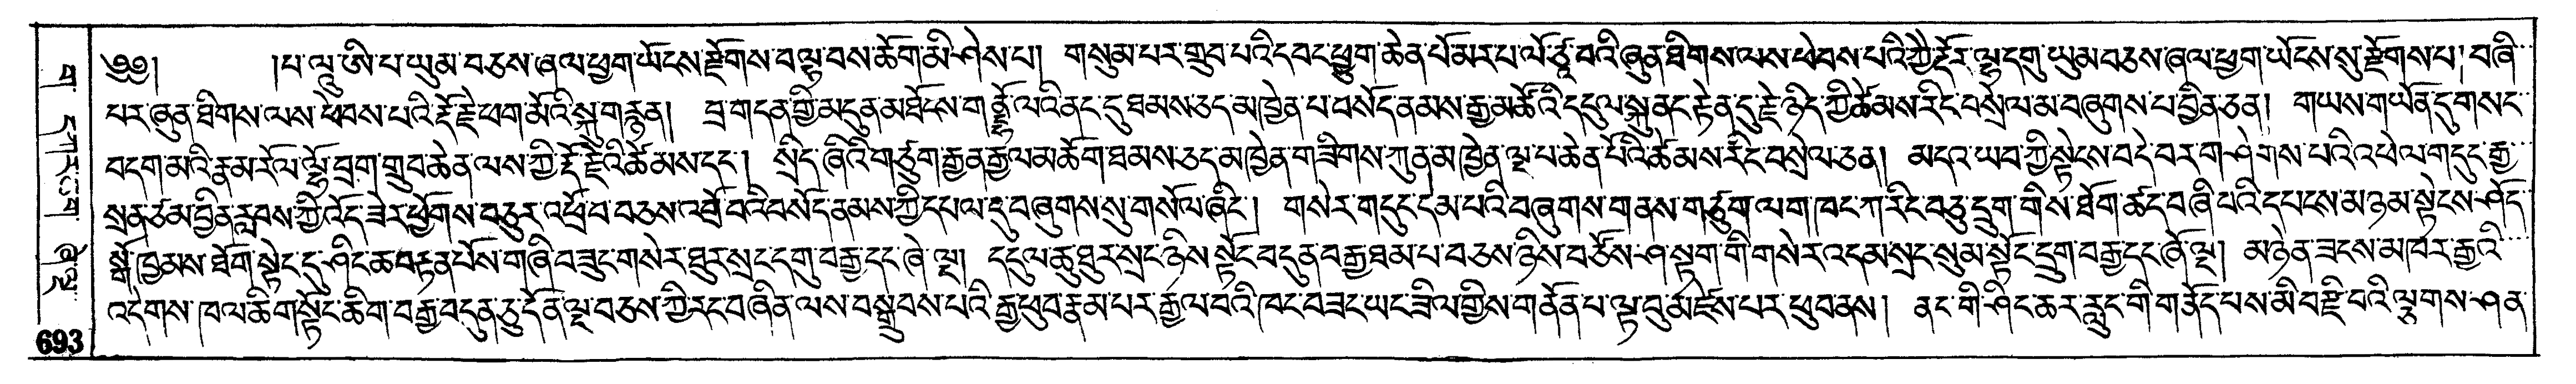༄༅། །པ་ལཱུ་ཨི་པ་ཡུམ་བཅས་ཞལ་ཕྱག་ཡོངས་རྫོགས་བལྟ་བས་ཆོག་མི་ཤེས་པ། གསུམ་བར་གྲུབ་པའི་དབང་ཕྱུག་ཆེན་པོ་མར་པ་ལོ་ཙཱ་བའི་ཞུན་ཐིགས་ལས་ཕེབས་པའི་ཀྱཻ་རྡོར་ལྷ་དགུ་ཡུམ་བཅས་ཞལ་ཕྱག་ཡོངས་སུ་རྫོགས་པ། བཞི་
པར་ཞུན་ཐིགས་ལས་ཕེབས་པའི་རྡོ་རྗེ་ཕག་མོའི་སྐུ་བརྙན། བྲ་གདན་གྱི་མདུན་མཐོངས་གནྡྷོ་ལའི་ནང་དུ་ཐམས་ཅད་མཁྱེན་པ་བསོད་ནམས་རྒྱ་མཚོའི་དངུལ་སྐུ་ནང་རྟེན་དུ་རྗེ་ཉིད་ཀྱི་ཚེམས་རིང་བསྲལ་མ་བཞུགས་པ་བྱིན་ཅན། གཡས་གཡོན་དུ་གསང་
བདག་མིའི་རྣམ་རོལ་ལྷོ་བྲག་གྲུབ་ཆེན་ལས་ཀྱི་རྡོ་རྗེའི་ཚེམས་དང་། སྲིད་ཞིའི་གཙུག་རྒྱན་རྒྱལ་མཆོག་ཐམས་ཅད་མཁྱེན་གཟིགས་ཀུན་མཁྱེན་ལྔ་པ་ཆེན་པོའི་ཚེམས་རིང་བསྲེལ་ཅན། མདའ་ཡབ་ཀྱི་སྟེངས་བདེ་བར་གཤེགས་པའི་འཕེལ་གདུང་རྒྱ་
སྲན་ཙམ་བྱིན་རླབས་ཀྱི་འོད་ཟེར་ཕྱོགས་བཅུར་འཕྲོབ་བཅས་འགྲོ་བའི་བསོད་ནམས་ཀྱི་དཔལ་དུ་བཞུགས་སུ་གསོལ་ཞིང་། གསེར་གདུང་དམ་པའི་བཞུགས་གནས་གཙུག་ལག་ཁང་ཀ་རིང་བཅུ་དྲུག་གིས་ཐོག་ཚད་བཞི་བའི་དཔངས་མཉམ་སྟེངས་ཤོད་
སྒོ་ཁྱམས་ཐོག་སྟེང་དུ་ཤིད་ཆ་བརྟན་པོས་གཞི་བཟུང་གསེར་ཐུར་སྲང་དགུ་བརྒྱ་དང་ཞོ་ལྔ། དངུལ་ཆུ་ཐུར་སྲང་ཉིས་སྟོང་བདུན་བརྒྱ་ཐམ་པ་བཅས་ཉིས་བཙོས་ཤ་སྟག་གི་གསེར་འདམ་སྲང་སུམ་སྟོང་དྲུག་བརྒྱ་དང་ཞོ་ལྔ། མཉེན་ཟངས་མཁར་རྒྱའི་
འདེགས་ཁལ་ཚིག་སྟོང་ཚིག་བརྒྱ་བདུན་ཅུ་དོན་ལྔ་བཅས་ཀྱི་རང་བཞིན་ལས་བསྒྲུབས་པའི་རྒྱ་ཕུབ་རྣམ་པར་རྒྱལ་བའི་ཁང་བཟང་ཡང་ཟིལ་གྱིས་གནོན་པ་ལྟ་བུ་མཛེས་པར་ཕུབ་ནས། ནང་གི་ཤིང་ཆར་རླུང་གི་གནོད་པས་མི་བརྫི་བའི་ལྕགས་ཤན་